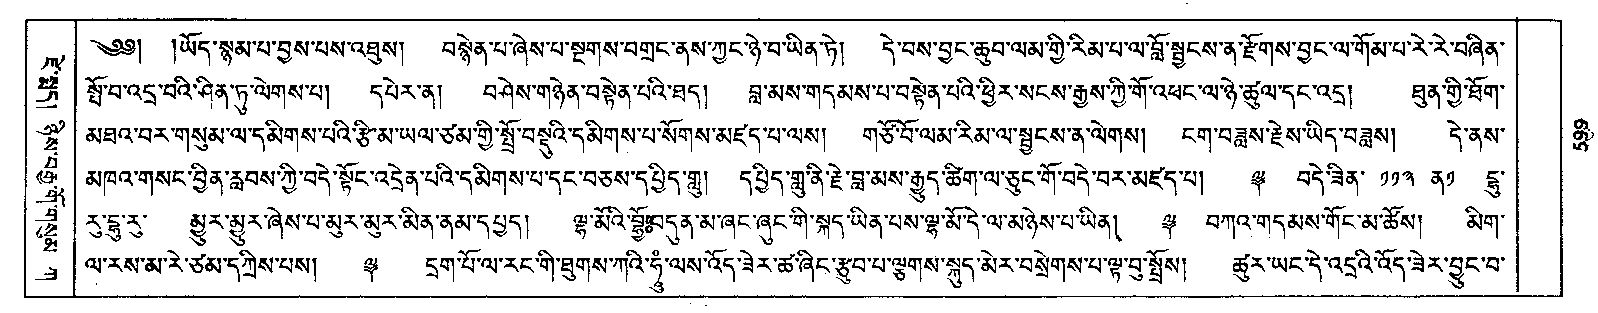༄༅། །ཡོད་སྙམ་པ་བྱས་པས་འཐུས། བསྙེན་པ་ཞེས་པ་སྔགས་བགྲང་ནས་ཀྱང་ཉེ་བ་ཡིན་ཏེ། དེ་བས་བྱང་ཆུབ་ལམ་གྱི་རིམ་པ་ལ་བློ་སྦྱངས་ན་རྫོགས་བྱང་ལ་གོམ་པ་རེ་རེ་བཞིན་
སྤོ་བ་འདྲ་བའི་ཤིན་ཏུ་ལེགས་པ། དཔེར་ན། བཤེས་གཉེན་བསྟེན་པའི་ཐད། བླ་མས་གདམས་པ་བསྟེན་པའི་ཕྱིར་སངས་རྒྱས་ཀྱི་གོ་འཕང་ལ་ཉེ་ཚུལ་དང་འདྲ། ཐུན་གྱི་ཐོག་
མཐའ་བར་གསུམ་ལ་དམིགས་པའི་རྩི་མ་ཡལ་ཙམ་གྱི་སྤྲོ་བསྡུའི་དམིགས་པ་སོགས་མཛད་པ་ལས། གཙོ་བོ་ལམ་རིམ་ལ་སྦྱངས་ན་ལེགས། ངག་བཟླས་རྗེས་ཡིད་བཟླས། དེ་ནས་
མཁའ་གསང་བྱིན་རླབས་ཀྱི་བདེ་སྟོང་འདྲེན་པའི་དམིགས་པ་དང་བཅས་དཔྱིད་གླུ། དཔྱིད་གླུ་ནི་རྗེ་བླ་མས་རྒྱུད་ཚིག་ལ་ཅུང་གོ་བདེ་བར་མཛད་པ། ༈ བདེ་ཟིན ༡༡༣་ན ༡་དྷུ་
རུ་དྷུ་རུ་མྱུར་མྱུར་ཞེས་པ་མུར་མུར་མིན་ནམ་དཔྱད། ལྷ་མོའི་བྷྱོཿ བདུན་མ་ཞང་ཞུང་གི་སྐད་ཡིན་པས་ལྷ་མོ་དེ་ལ་མཉེས་པ་ཡིན། ༈ བཀའ་གདམས་གོང་མ་ཚོས། མིག་
ལ་རས་མ་རེ་ཙམ་དཀྲིས་པས། ༈ དྲག་པོ་ལ་རང་གི་ཐུགས་ཀའི་ཧཱུཾ་ལས་འོད་ཟེར་ཚ་ཞིང་རྩུབ་པ་ལྕགས་སྐུད་མེར་བསྲེགས་པ་ལྟ་བུ་སྤྲོས། ཚུར་ཡང་དེ་འདྲའི་འོད་ཟེར་བྱུང་བ་